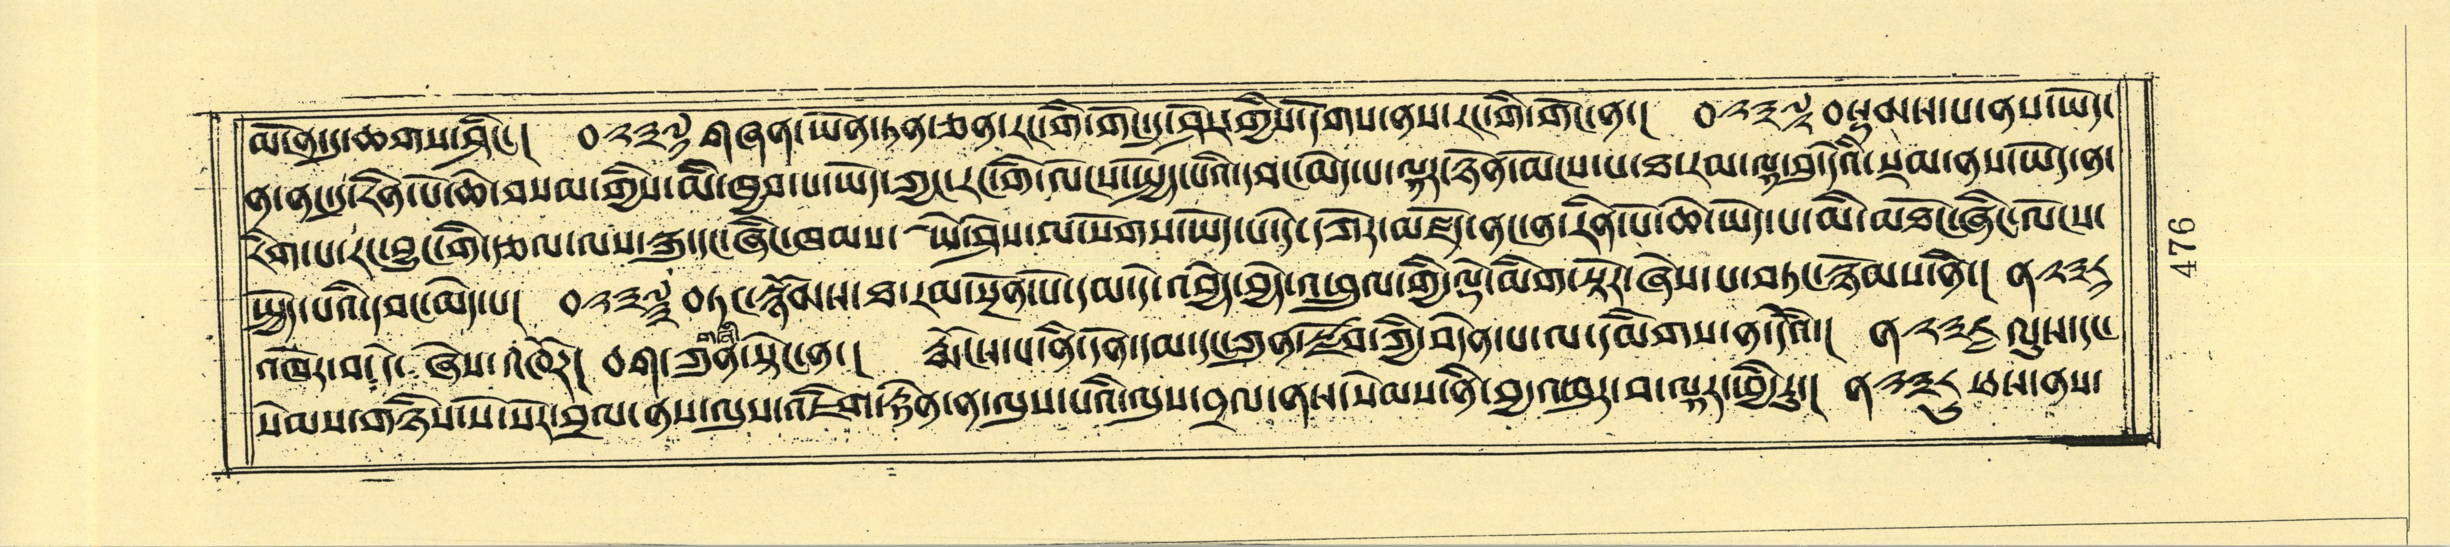མངོན་དུ་ཆགས་ཤིང་ བ༢༣༧།༡༼གཞན༽ཡོན་ཏན་ཅན་རང་གི་གོང་དུ་ཤོར་གྱིས་དོགས་ནས་རང་གི་གོང་ན་ བ༢༣༧།༢བསྡམས་པ་ནས་ཡོད་
ན་ནང་དུ་རིན་པོ་ཆེ་བསམ་གྱིས་མི་ཁྱབ་པ་ཡོད་ཀྱང་རང་གི་ལོངས་སྤྱོད་པའི་དབང་མེད་པ་ལྟར་ཉོན་མོངས་པ་ཐ་རམ་ལྟ་བུ་དེས་བསྡམས་ནས་ཡོད་ན་
རིག་པ་རང་བྱུང་གི་རྩལ་ལས་སྐུ་དང་ཞིང་ཁམས་ ཡེ་ཤེས་ལ་སོགས་ཡོད་པ་དེ་དཀོར་མཛོད་ནང་ན་རིན་པོ་ཆེ་ཡོད་པ་མི་མཐོང་ཞིང་ལོངས་
སྤྱོད་པའི་དབང་མེད་པ་ བ༢༣༧།༣ ༼བཏང་སྙོམས༽ཐ་རམ་སྔོན་པོ་དམ་དེ་འབྱེད་བྱེད་འཕྲུལ་གྱི་ལྡེ་མིག་སྟོར་ཞེས་པ་བཏང་སྙོམས་ནི་ ན༢༣༨།༡
འཁོར་བ་དེ་ཞེས་༼འཁོར༽༼བག༽ཀུན་གཞི་སྟེང་ན་༼རྨོངས་པ༽ནི་ཀུན་རྫོབ་དང་དོན་དམ་གྱི་བདེན་པ་ལ་དམིགས་ན་དེའི་ ན༢༣༨།༤ ༼ལུས་དང༽
སེམས་གཉིས་སོ་སོར་༼བྲལ་ནས༽སེམས་ནི་བྱ་འཕུར་བ་ལྟར་ཕྱི་རུ་ ན༢༣༨།༦ ཕས་ནས་